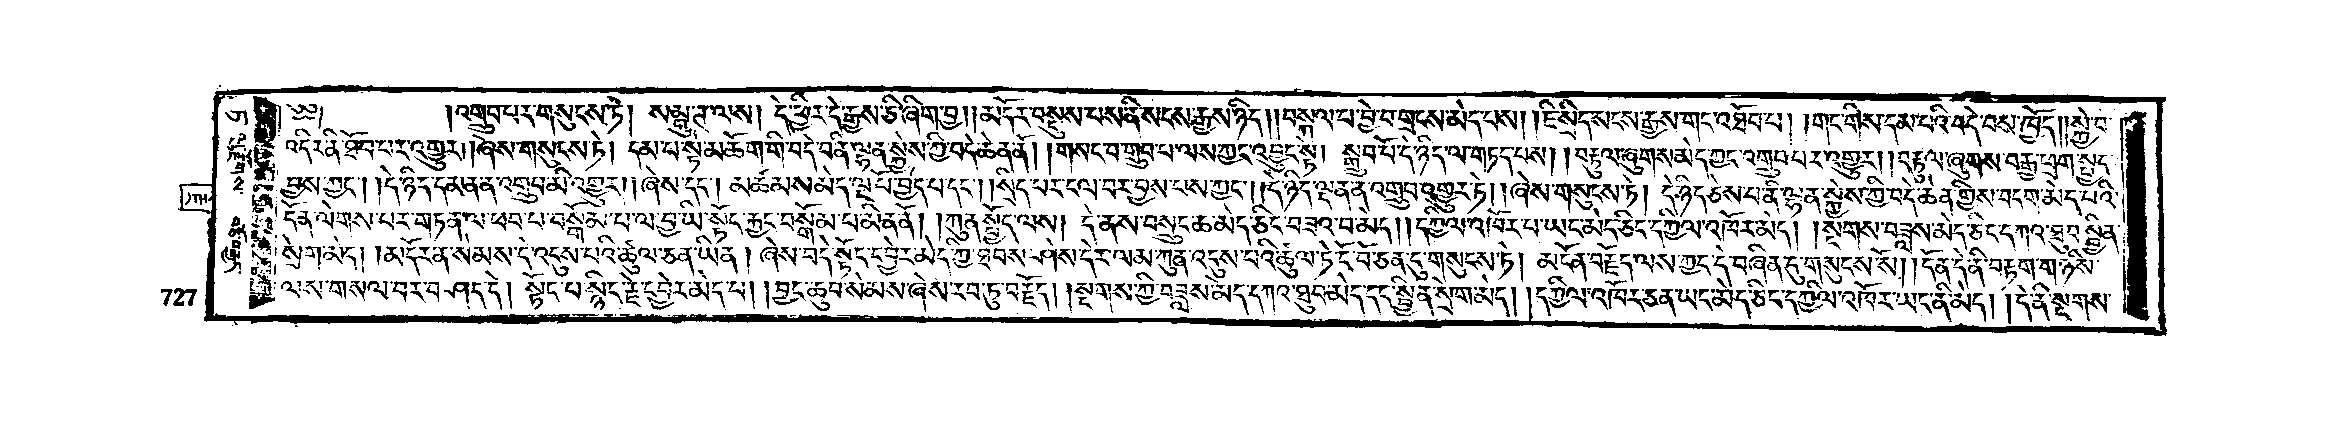༄༅། །འགྲུབ་པར་གསུངས་ཏེ། སམྦུ་ཊ་ལས། དེ་ཕྱིར་དེ་རྒྱས་ཅི་ཞིག་བྱ། །མདོར་བསྡུས་པས་ནི་སངས་རྒྱས་ཉིད། །བསྐལ་པ་བྱེ་བ་གྲངས་མེད་པས། །ཇི་སྲིད་སངས་རྒྱས་གང་འཐོབ་པ། །གང་གིས་དམ་པའི་བདེ་བས་ཁྱོད། །སྐྱེ་བ་
འདིར་ནི་ཐོབ་པར་འགྱུར། །ཞེས་གསུངས་ཏེ། དམ་པ་སྟེ་མཆོག་གི་བདེ་བ་ནི་ལྷན་སྐྱེས་ཀྱི་བདེ་ཆེན་ནོ། །གསང་བ་གྲུབ་པ་ལས་ཀྱང་འབྱུང་སྟེ། སྒྲུབ་པོ་དེ་ཉིད་ལ་གཏད་པས། །བརྟུལ་ཞུགས་མེད་ཀྱང་འགྲུབ་པར་འགྱུར། །བརྟུལ་ཞུགས་བརྒྱ་ཕྲག་སྤྱད་
བྱས་ཀྱང་། །དེ་ཉིད་དམན་ན་འགྲུབ་མི་འགྱུར། །ཞེས་དང་། མཚམས་མེད་ལྔ་པོ་བྱེད་པ་དང་། །སྲིད་པར་ངལ་བར་བྱས་པས་ཀྱང་། །དེ་ཉིད་ལྡན་ན་འགྲུབ་འགྱུར་ཏེ། །ཞེས་གསུངས་ཏེ། དེ་ཉིད་ཅེས་པ་ནི་ལྷན་སྐྱེས་ཀྱི་བདེ་ཆེན་གྱིས་བདག་མེད་པའི་
དོན་ལེགས་པར་གཏན་ལ་ཕབ་པ་བསྒོམ་པ་ལ་བྱ་ཡི་སྟོང་རྐྱང་བསྒོམ་པ་མིན་ནོ། །ཀུན་སྤྱོད་ལས། དེ་ནས་བསྲུང་ཆ་མེད་ཅིང་བཟའ་བ་མེད། །དཀྱིལ་འཁོར་པ་ཡང་མེད་ཅིང་དཀྱིལ་འཁོར་མེད། །སྔགས་བཟླས་མེད་ཅིང་དཀའ་ཐུབ་སྦྱིན་
སྲེག་མེད། །མདོར་ན་སེམས་དེ་འདུས་པའི་ཚུལ་ཅན་ཡིན། ཞེས་བདེ་སྟོང་དབྱེར་མེད་ཀྱི་ཐབས་ཤེས་དེར་ལམ་ཀུན་འདུས་པའི་ཚུལ་ཏེ་ངོ་བོ་ཅན་དུ་གསུངས་ཏེ། མངོན་བརྗོད་ལས་ཀྱང་དེ་བཞིན་དུ་གསུངས་སོ། །དོན་དེ་ནི་བརྟག་གཉིས་
ལས་གསལ་བར་བཤད་དེ། སྟོང་པ་སྙིང་རྗེ་དབྱེར་མེད་པ། །བྱང་ཆུབ་སེམས་ཞེས་རབ་ཏུ་བརྗོད། །སྔགས་ཀྱི་བཟླས་མེད་དཀའ་ཐུབ་མེད་དང་སྦྱིན་སྲེག་མེད། །དཀྱིལ་འཁོར་ཅན་ཡང་མེད་ཅིང་དཀྱིལ་འཁོར་ཡང་ནི་མེད། །དེ་ནི་སྔགས་